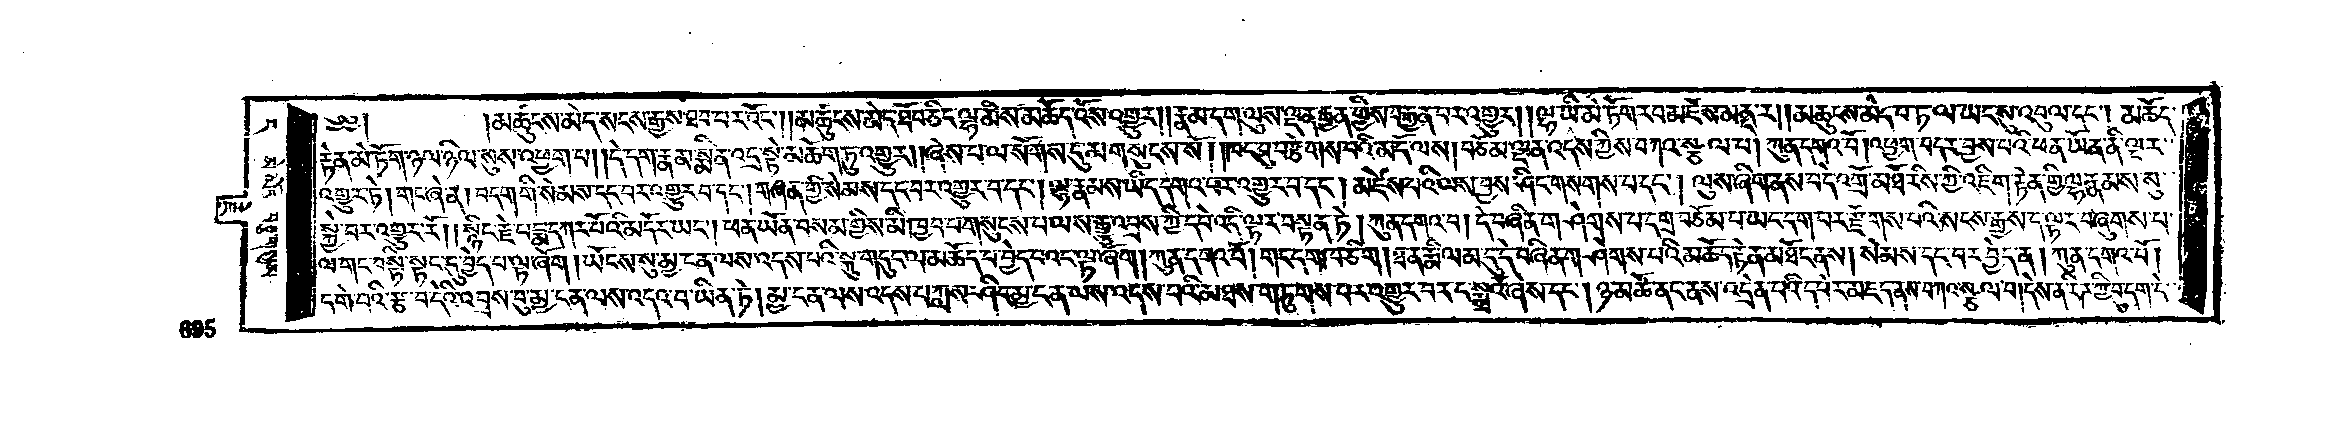༄༅། །མཚུངས་མེད་སངས་རྒྱས་ཐོབ་པར་འོང་། །མཚུངས་མེད་ཐོབ་ཅིང་ལྷ་མིས་མཆོད་འོས་འགྱུར། །རྣམ་དག་ལུས་ལྡན་རྒྱན་གྱིས་བརྒྱན་པར་འགྱུར། །ལྷ་ཡི་མེ་ཏོག་རབ་མཛེས་མནྡ་ར། །མཚུངས་མེད་པ་ཏ་ལ་ཡངས་སུ་འབུལ་དང་། མཆོད་
རྟེན་མེ་ཏོག་ཉལ་ཉིལ་སུས་འཕྱག་པ། །དེ་དག་རྣམ་སྨིན་འདྲ་སྟེ་མཆོག་ཏུ་འགྱུར། །ཞེས་པ་ལ་སོགས་དུ་མ་གསུངས་སོ། །ཁང་བུ་བརྩེགས་པའི་མདོ་ལས། བཅོམ་ལྡན་འདས་ཀྱིས་བཀའ་སྩལ་པ། ཀུན་དགའ་བོ། འཕྱག་བདར་བྱས་པའི་ཕན་ཡོན་ནི་ལྔར་
འགྱུར་ཏེ། གང་ཞེ་ན། བདག་གི་སེམས་དང་བར་འགྱུར་བ་དང་། གཞན་གྱི་སེམས་དང་བར་འགྱུར་བ་དང་། ལྷ་རྣམས་ཡིད་དགའ་བར་འགྱུར་བ་དང་། མཛེས་པའི་ལས་བྱས་ཤིང་གསགས་པ་དང་། ལུས་ཞིག་ནས་བདེ་འགྲོ་མཐོ་རིས་ཀྱི་འཇིག་རྟེན་གྱི་ལྷ་རྣམས་སུ་
སྐྱེ་བར་འགྱུར་རོ། །སྙིང་རྗེ་པདམ་དཀར་པོའི་མདོར་ཡང་། ཕན་ཡོན་བསམ་གྱིས་མི་ཁྱབ་པ་གསུངས་པ་ལས་རྒྱུ་འབྲས་ཀྱི་དཔེ་འདི་ལྟར་བསྟན་ཏེ། ཀུན་དགའ་བ། དེ་བཞིན་གཤེགས་པ་དགྲ་བཅོམ་པ་ཡང་དག་པར་རྫོགས་པའི་སངས་རྒྱས་དེ་ལྟར་བཞུགས་པ་
ལ་གང་བསྟི་སྟང་དུ་བྱེད་པ་ལྟ་ཞོག །ཡོངས་སུ་མྱ་ངན་ལས་འདས་པའི་སྐུ་གདུང་ལ་མཆོད་པ་བྱེད་པའང་ལྟ་ཞོག །ཀུན་དགའ་བོ། གང་དག་ཁ་ཅིག །ཐ་ན་རྨི་ལམ་དུ་དེ་བཞིན་གཤེགས་པའི་མཆོད་རྟེན་མཐོང་ནས། སེམས་དང་བར་བྱེད་ན། ཀུན་དགའ་པོ།
དགེ་བའི་རྩ་བ་དེའི་འབྲས་བུ་མྱ་ངན་ལས་འདའ་བ་ཡིན་ཏེ། མྱ་ངན་ལས་འདས་པ་ཀླས་ཤིང་མྱ་ངན་ལས་འདས་པའི་མཐས་གཏུགས་པར་འགྱུར་བ་རང་སྨྲའོ་ཞེས་དང་། ཉ་མཚོ་ནང་ནས་འདྲེན་པའི་དཔེར་མཛད་ནས་བཀའ་སྩལ་བ། དེས་ན་རིགས་ཀྱི་བུ་དག་དེ་